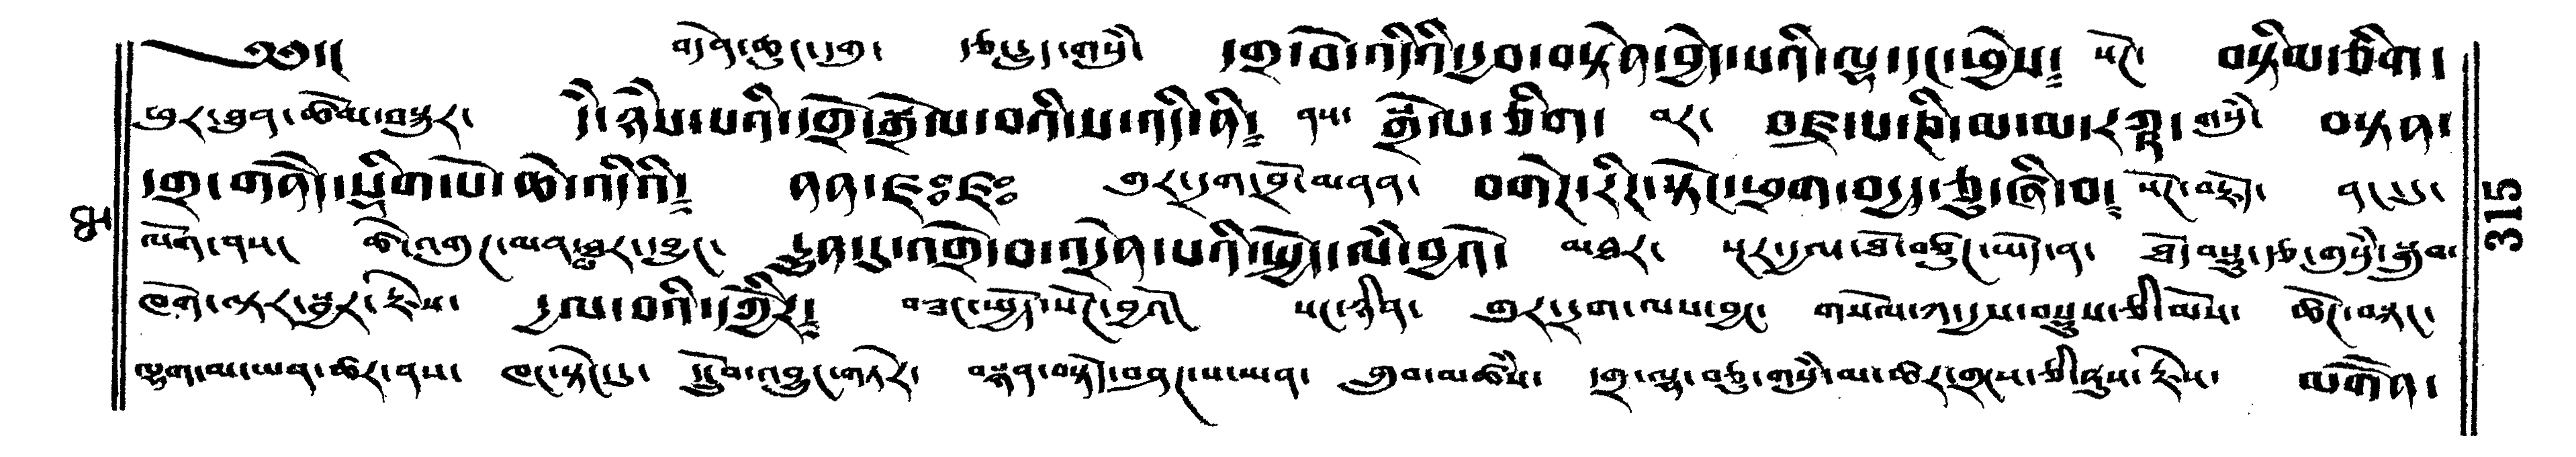བདེན་ཆུང་དགུ། རྩ་རྒྱུད་གསུམ། དགྲ་བོ་འདིའི་རྒྱབ་རྟེན་བྱེད་པའི་ལྷ་དང་ཕྱེས༴ སོགས། བསྟིམ་ཤིག 
ཕུན་ཐུན་ཚོམ་བསྐུར། དམ་ཉམས་པའི་དགྲ་བོ་སྒྲོལ་བའི་ས་འདི་ནི༴ ནས། སྒྲོལ་ཅིག བར། བཛྲ་པ་ཎི་མ་མ་རཀྵ། གསུམ། བསྟན་
དགྲ་གནོད་བྱེད་སྡིག་པོ་ཆེ་འདིའི༴ ནན་ཛཿཛཿ གུར་དྲག་བྲོ་མནན། བགེགས་རིགས་སྟོང་ཕྲག་བརྒྱད་ཅུ་ཞི་བ༴ སོགས་བརྗོད། ནང་དུ་
ལོག་ནས། ཚེ་འགུགས་མན་མཐར་དབྱུངས། རྒྱུན་དུ་འགྲོ་བ་འདྲེན་པའི་སྤྱོད་ལམ་བྱའོ། མཐར། སྔར་རྒྱལ་ཐོ་བཙུགས་ཡོད་ན། ཐོ་བསྡུ་རྩ་གསུམ་སྒྲུབ་
ཁོག་ལྟར་བྱས་རྗེས། རྒྱལ་བའི་དཀྱིལ་འཁོར༴ བཟང་སྤྱོད་སོགས་བྱའོ།། སང་ཉིན། གུར་དྲག་ལས་བྱང་། གསོལ་ཀ་རྒྱས་བསྡུས་ཅི་མོས། ཚོགས་བསྐང་
ལྷག་མ་ཡན་ཚར་ནས། ཁང་སྟེང་དུ་དངོས་གྲུབ་འབྱུང་གཏེར་བསྙེན་བསྟོད་བཤགས་པ་ཡན་གྲུབ་མཚམས། དགྲ་ལྷ་བཅུ་གསུམ་མ་ཚར་གྲངས་ཅི་ནུས་རྗེས། མགོན་པོ་